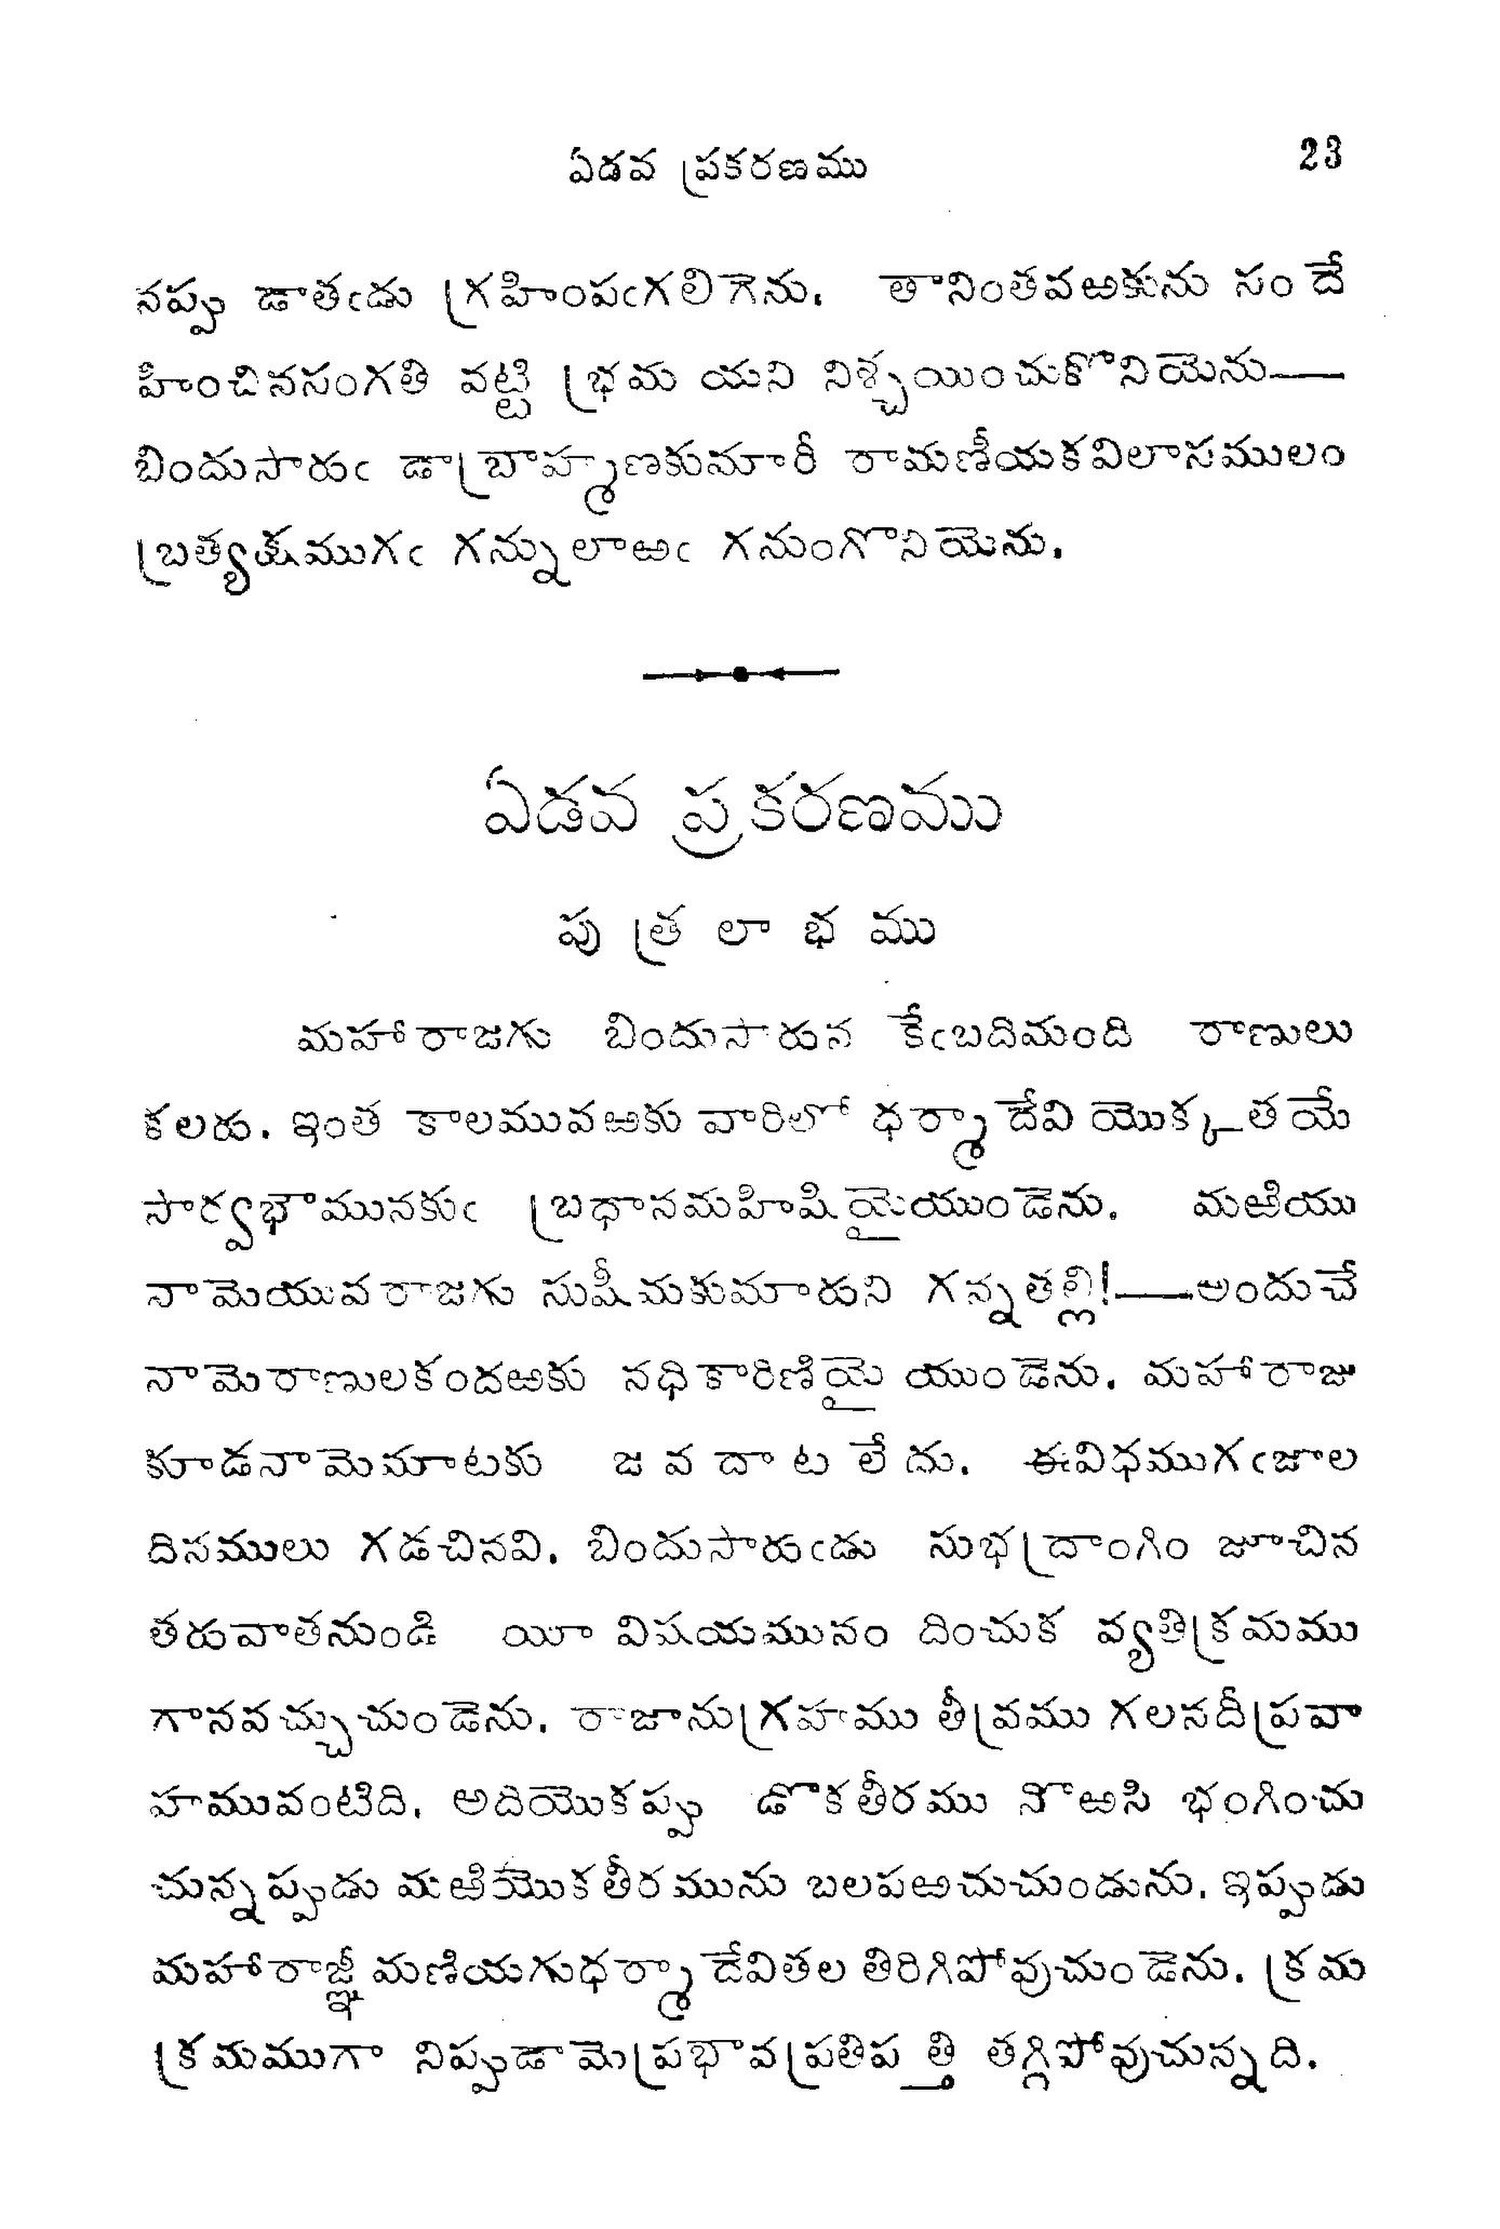నప్పు డాతఁడు గ్రహింపఁగలిగెను. తానింతవఱకును సందే
హించిన సంగతి వట్టి భ్రమ యని నిశ్చయించుకొనియెను——
బిందుసారుఁ డా బ్రాహ్మణకుమారీ రామణీయక విలాసములం
బ్రత్యక్షముగఁ గన్ను లాఱఁ గనుంగొనియెను.

మహారాజగు బిందుసారున కేఁబదిమంది రాణులు కలరు. ఇంత కాలమువఱకు వారిలో ధర్మాదేవి యొక్క తయే సార్వభౌమునకుఁ బ్రధానమహిషి యైయుండెను. మఱియు
నామెయువ రాజగు సుషీమకుమారుని గన్నతల్లి – అందుచే నామె రాణులకందఱకు నధికారిణియై యుండెను. మహారాజు కూడనా మెమాటకు జవ దాట లేదు. ఈవిధముగఁజాల
దినములు గడచినవి. బిందుసారుఁడు సుభద్రాంగిం జూచిన తరువాతనుండి యీ విషయమునం దించుక వ్యతిక్రమము గానవచ్చుచుండెను. రాజానుగ్రహము తీవ్రము గలనదీ ప్రవాహమువంటిది. అదియొకప్పు డొక తీరము నొఱసి భంగించు చున్నప్పుడు మఱియొక తీరమును బలపఱుచుచుండును. ఇప్పుడు మహారాజీ మణియగు ధర్మాదేవి తల తిరిగిపోవుచుండెను. క్రమక్రమముగా నిప్పుడామె ప్రభావ ప్రతిపత్తి తగ్గిపోవుచున్నది.